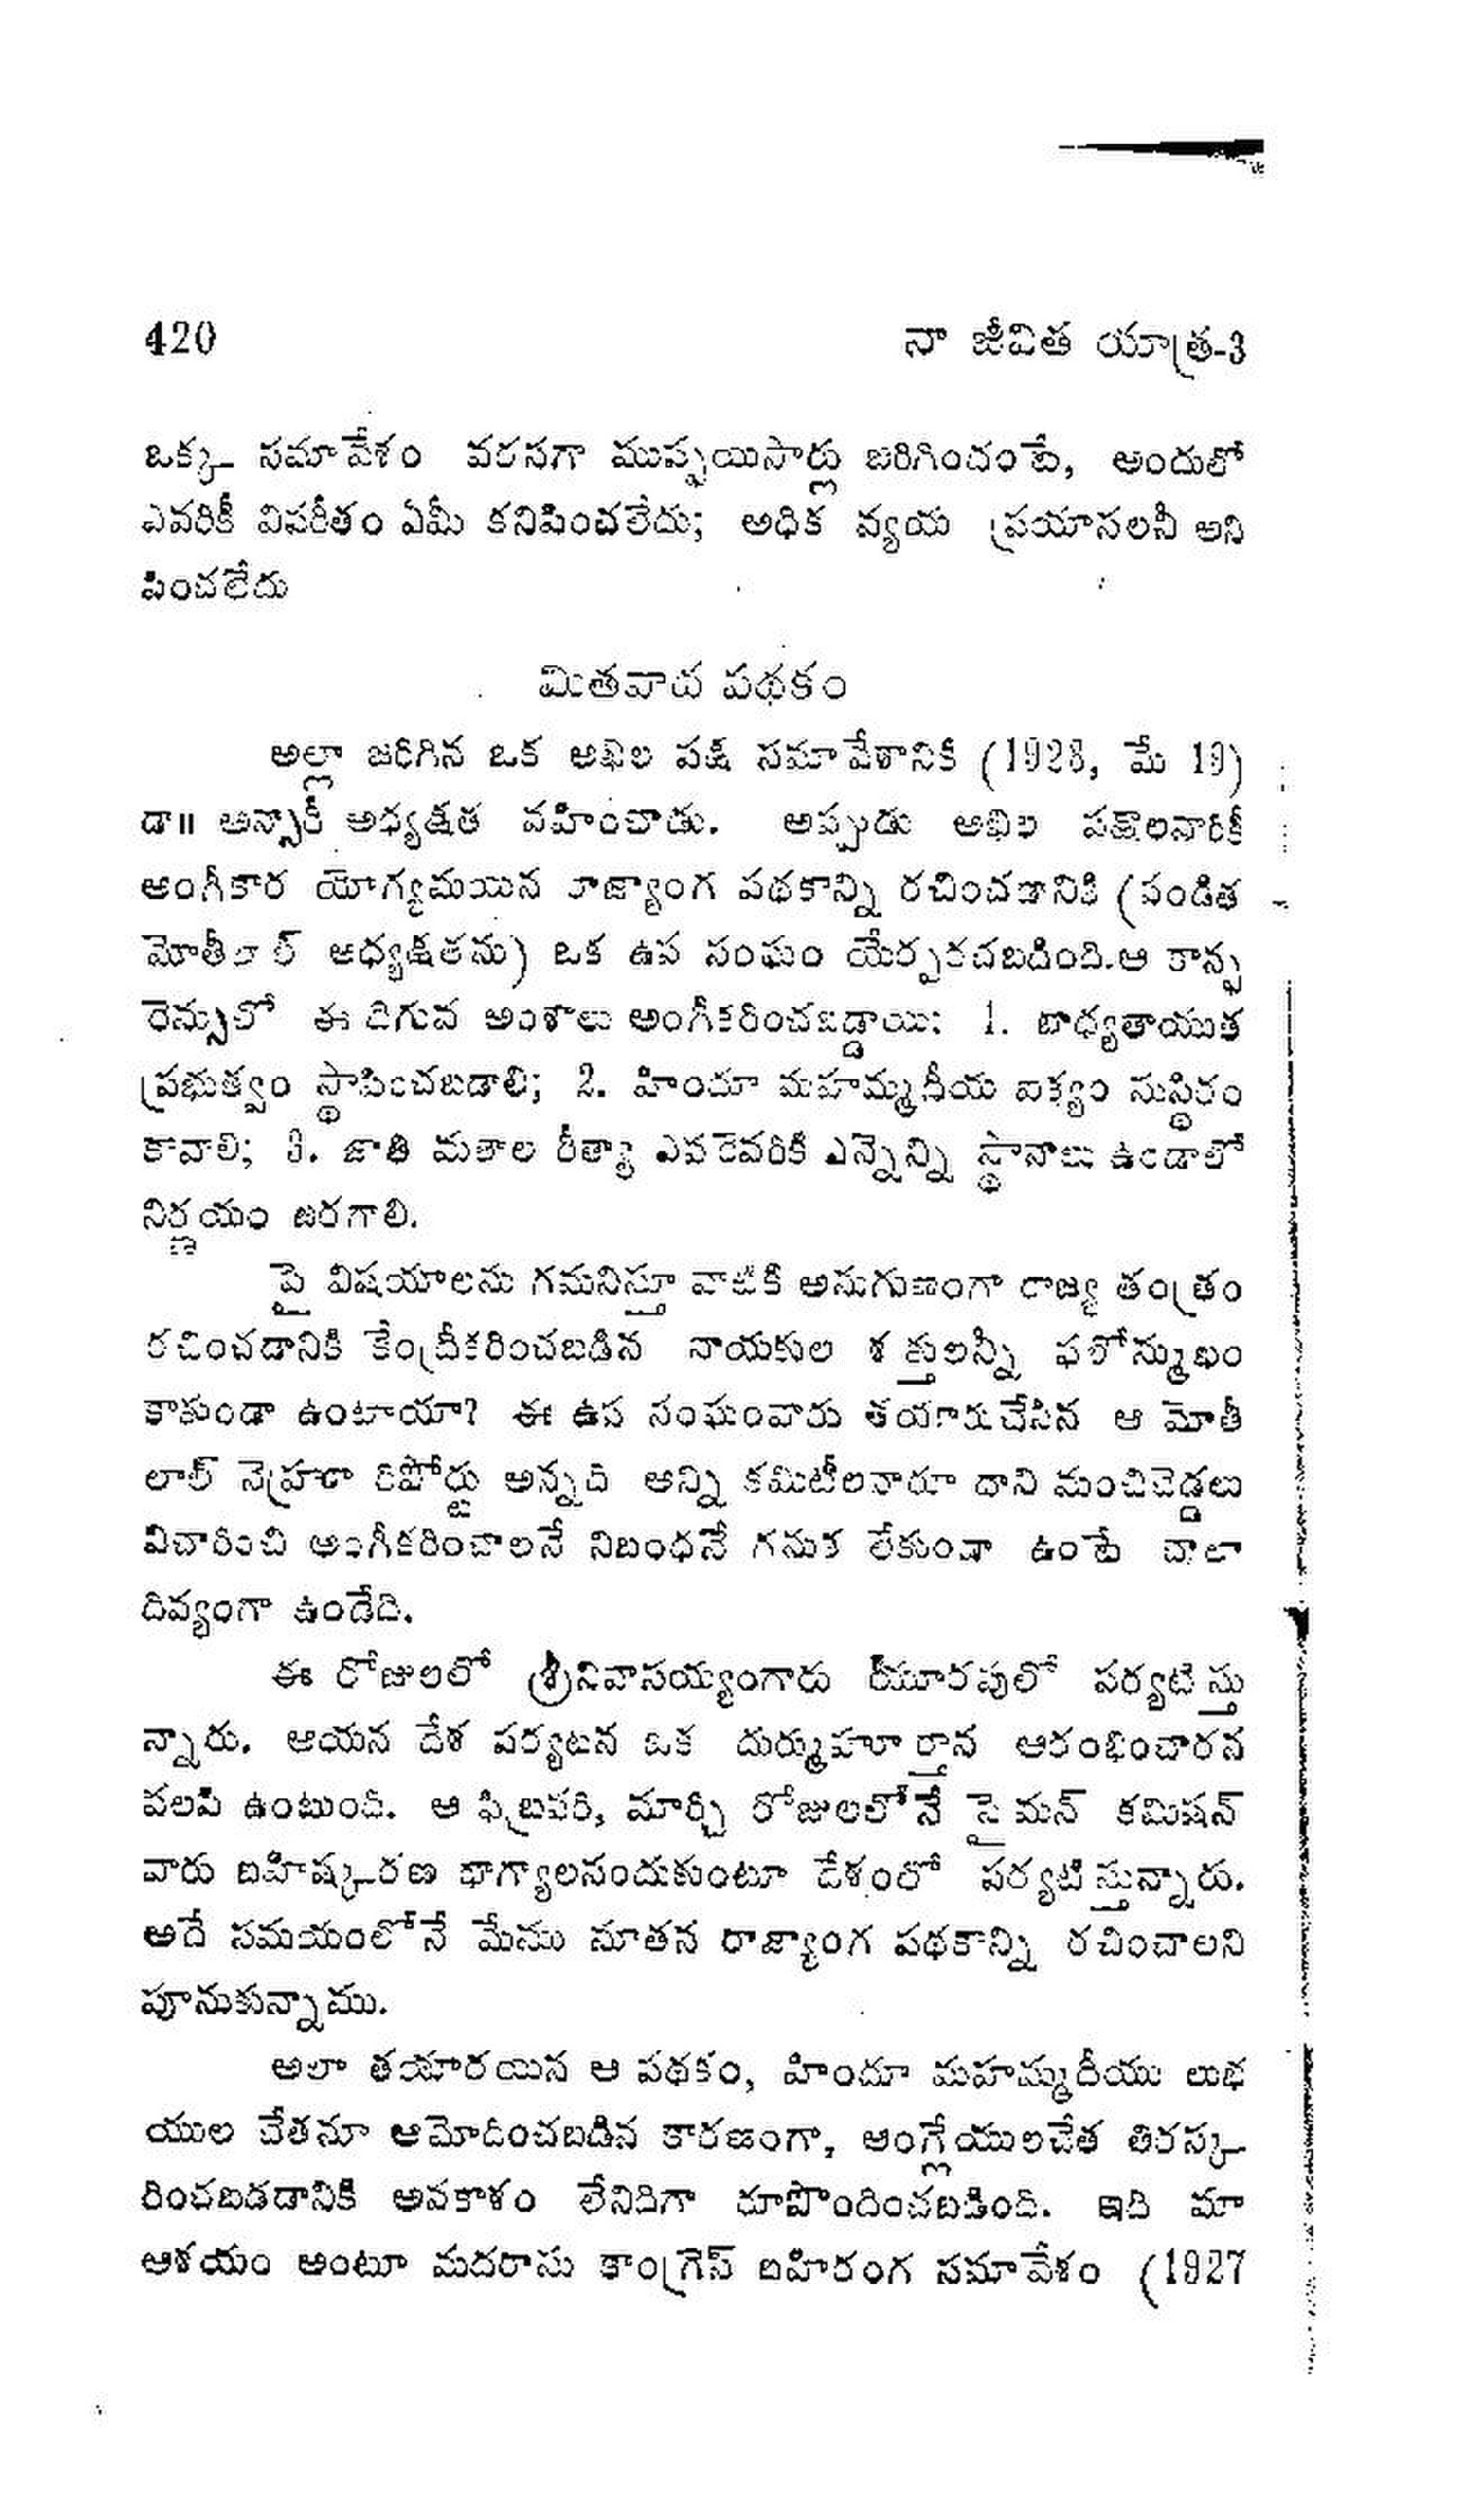ఒక్క సమావేశం వరసగా ముప్పయిసార్లు జరిగిందంటే, అందులో ఎవరికీ విపరీతం ఏమీ కనిపించలేదు; అధిక వ్యయ ప్రయాసలనీ అనిపించలేదు.

అల్లా జరిగిన ఒక అఖిల పక్ష సమావేశానికి (1928, మే 19) డా॥ అన్సారీ అధ్యక్షత వహించాడు. అప్పుడు అఖిల పక్షాలవారికీ అంగీకార యోగ్యమయిన రాజ్యాంగ పథకాన్ని రచించడానికి (పండిత మోతీలాల్ అధ్యక్షతను) ఒక ఉప సంఘం యేర్పరచబడింది. ఆ కాన్ఫరెన్సులో ఈ దిగువ అంశాలు అంగీకరించబడ్డాయి: 1. బాధ్యతాయుత ప్రభుత్వం స్థాపించబడాలి; 2. హిందూ మహమ్మదీయ ఐక్యం సుస్థిరం కావాలి; 3. జాతి మతాల రీత్యా ఎవరెవరికి ఎన్నెన్ని స్థానాలు ఉండాలో నిర్ణయం జరగాలి.

పై విషయాలను గమనిస్తూ వాటికి అనుగుణంగా రాజ్య తంత్రం రచించడానికి కేంద్రీకరించబడిన నాయకుల శక్తులన్నీ ఫలోన్ముఖం కాకుండా ఉంటాయా? ఈ ఉప సంఘంవారు తయారుచేసిన ఆ మోతీలాల్ నెహ్రూ రిపోర్టు అన్నది అన్ని కమిటీలవారూ దాని మంచిచెడ్డలు విచారించి అంగీకరించాలనే నిబంధనే గనుక లేకుండా ఉంటే చాలా దివ్యంగా ఉండేది.

ఈ రోజులలో శ్రీనివాసయ్యంగారు యూరపులో పర్యటిస్తున్నారు. ఆయన దేశ పర్యటన ఒక దుర్ముహూర్తాన ఆరంభించారన వలసి ఉంటుంది. ఆ ఫిబ్రవరి, మార్చి రోజులలోనే సైమన్ కమిషన్ వారు బహిష్కరణ భాగ్యాలనందుకుంటూ దేశంలో పర్యటిస్తున్నారు. అదే సమయంలోనే మేము నూతన రాజ్యాంగ పథకాన్ని రచించాలని పూనుకున్నాము.

అలా తయారయిన ఆ పథకం, హిందూ మహమ్మదీయు లుభయుల చేతనూ ఆమోదింపబడిన కారణంగా, ఆంగ్లేయులచేత తిరస్కరించబడడానికి అవకాశం లేనిదిగా రూపొందించబడింది. ఇది మా ఆశయం అంటూ మదరాసు కాంగ్రెస్ బహిరంగ సమావేశం (1927